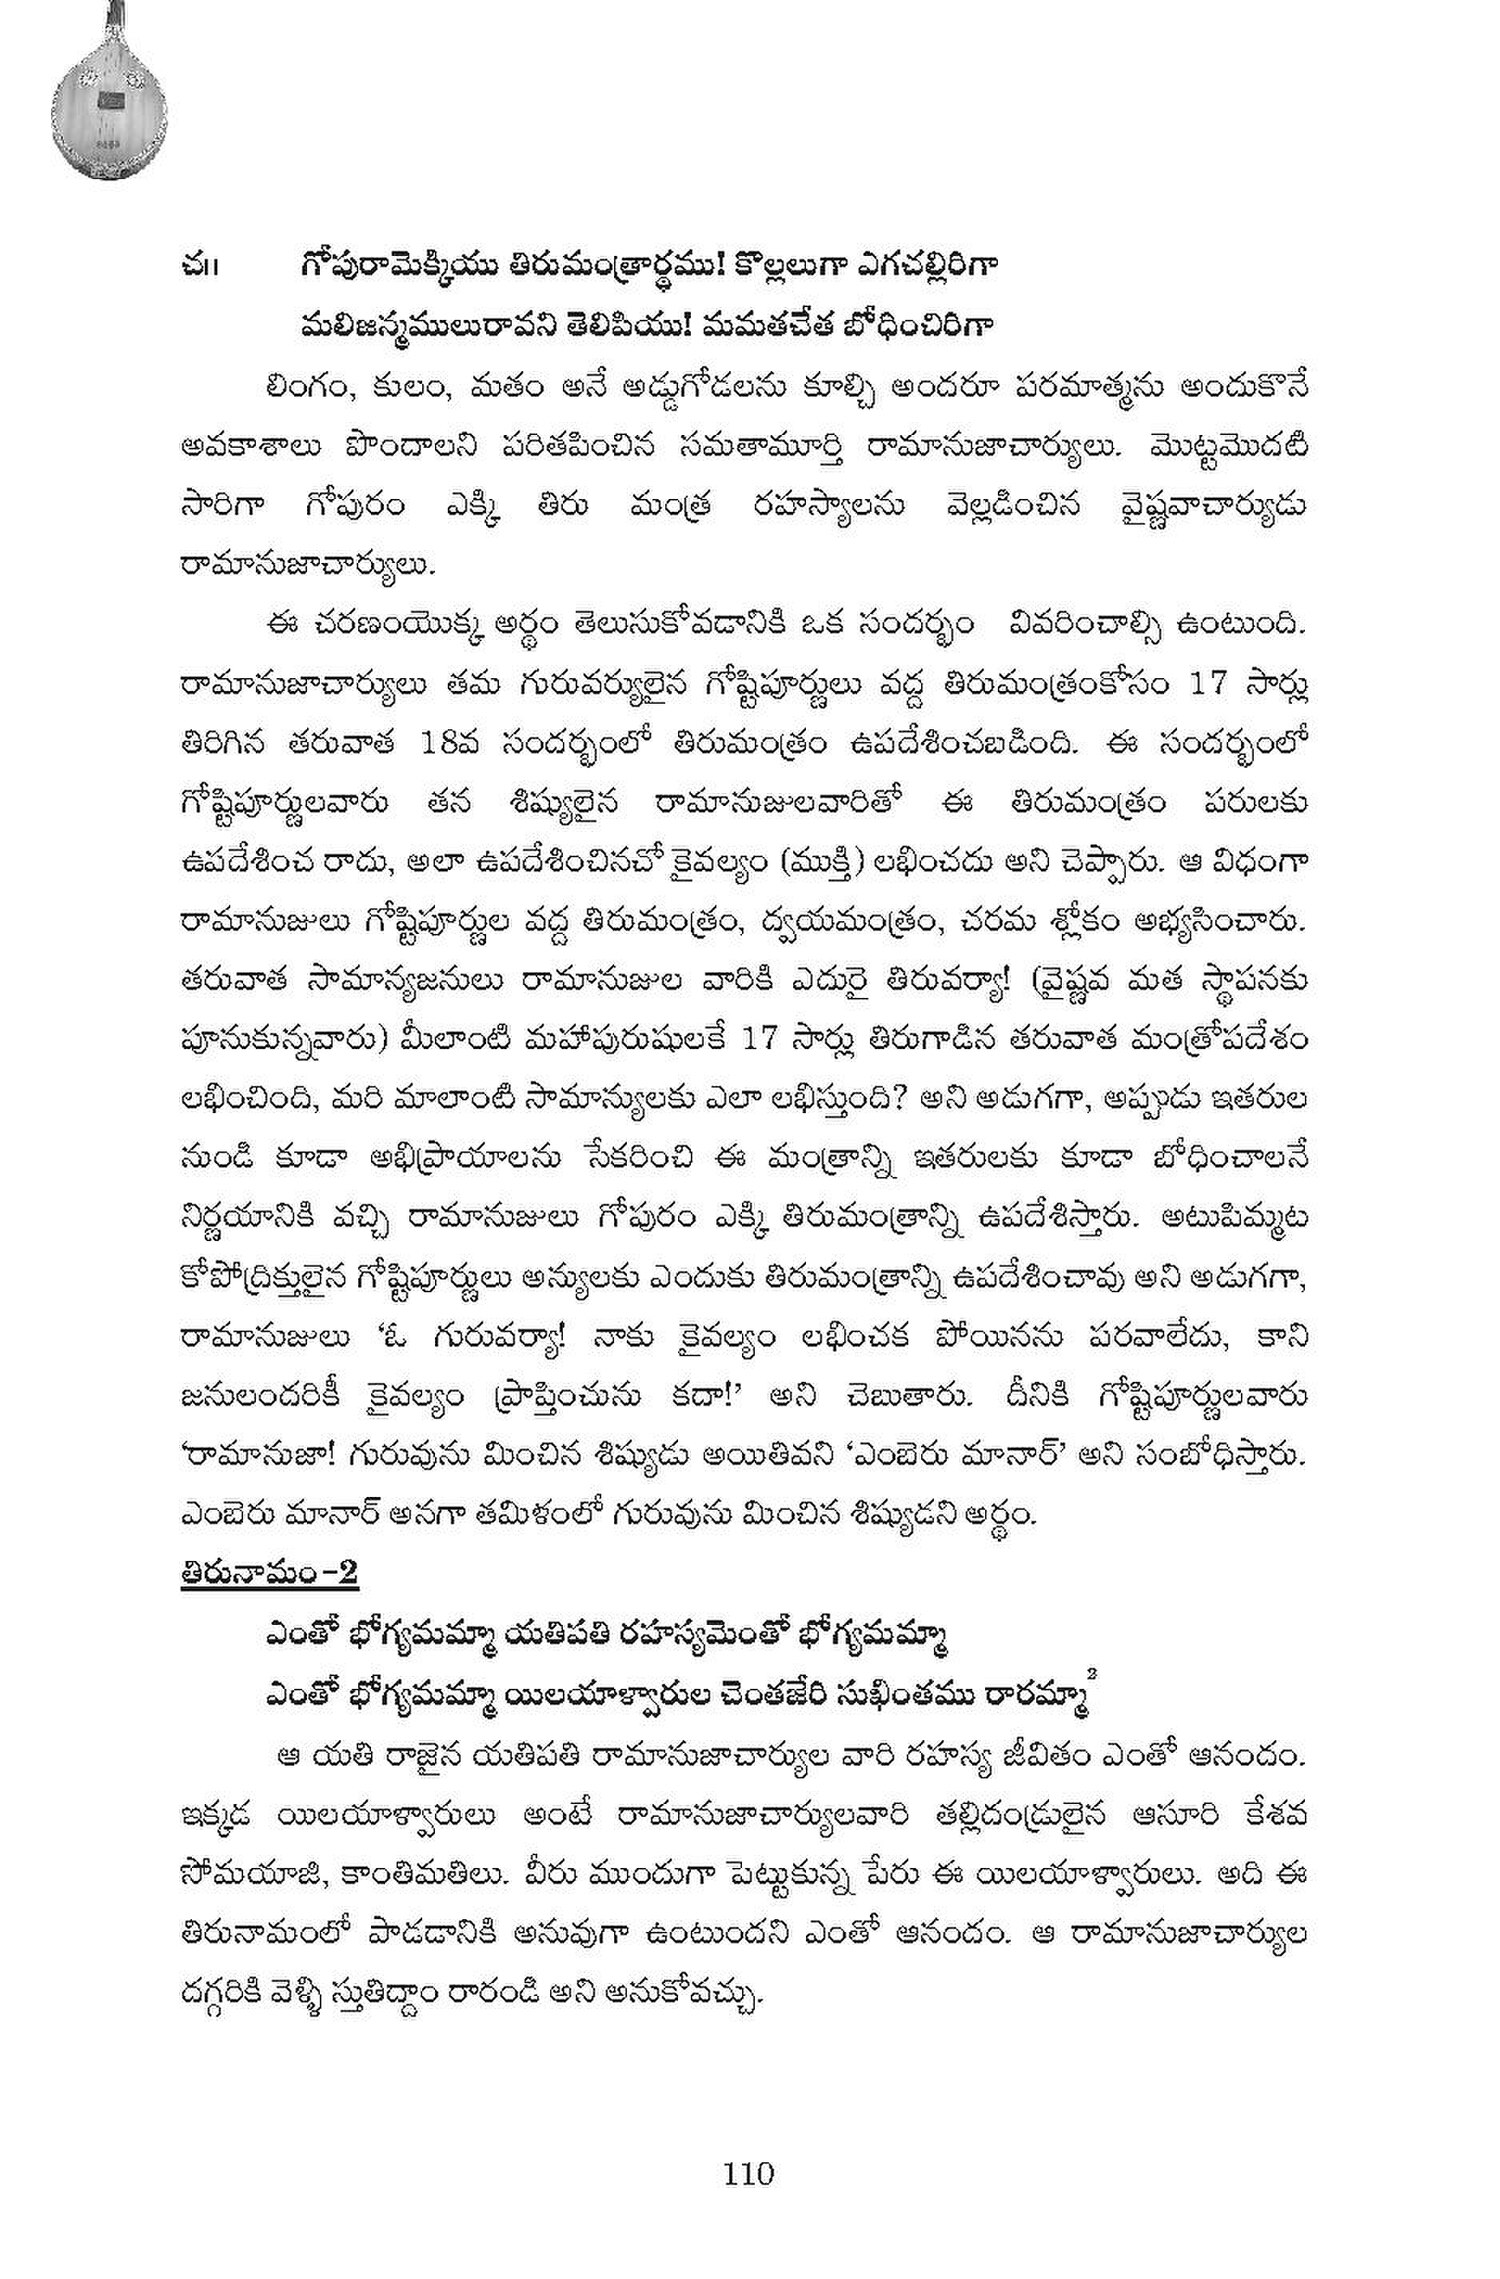గోపురామెక్కియు తిరుమంత్రార్థము! కొల్లలుగా ఎగచల్లిరిగా
మలిజన్మములురావని తెలిపియు! మమతచేత బోధించిరిగా

లింగం, కులం, మతం అనే అడ్డుగోడలను కూల్చి అందరూ పరమాత్మను అందుకొనే అవకాశాలు పొందాలని పరితపించిన సమతామూర్తి రామానుజాచార్యులు. మొట్టమొదటి సారిగా గోపురం ఎక్కి తిరు మంత్ర రహస్యాలను వెల్లడించిన వైష్ణవాచార్యుడు రామానుజాచార్యులు.

ఈ చరణంయొక్క అర్థం తెలుసుకోవడానికి ఒక సందర్భం వివరించాల్సి ఉంటుంది. రామానుజాచార్యులు తమ గురువర్యులైన గోష్టిపూర్ణులు వద్ద తిరుమంత్రంకోసం 17 సార్లు తిరిగిన తరువాత 18వ సందర్భంలో తిరుమంత్రం ఉపదేశించబడింది. ఈ సందర్భంలో గోష్టిపూర్ణులవారు తన శిష్యులైన రామానుజులవారితో ఈ తిరుమంత్రం పరులకు
ఉపదేశించ రాదు, అలా ఉపదేశించినచో కైవల్యం (ముక్తి) లభించదు అని చెప్పారు. ఆ విధంగా రామానుజులు గోష్టిపూర్ణుల వద్ద తిరుమంత్రం, ద్వయమంత్రం, చరమ శ్లోకం అభ్యసించారు. తరువాత సామాన్యజనులు రామానుజుల వారికి ఎదురై తిరువర్యా! (వైష్ణవ మత స్థాపనకు పూనుకున్నవారు) మీలాంటి మహాపురుషులకే 17 సార్లు తిరుగాడిన తరువాత మంత్రోపదేశం లభించింది, మరి మాలాంటి సామాన్యులకు ఎలా లభిస్తుంది? అని అడుగగా, అప్పుడు ఇతరుల నుండి కూడా అభిప్రాయాలను సేకరించి ఈ మంత్రాన్ని ఇతరులకు కూడా బోధించాలనే నిర్ణయానికి వచ్చి రామానుజులు గోపురం ఎక్కి తిరుమంత్రాన్ని ఉపదేశిస్తారు. అటుపిమ్మట కోపోద్రిక్తులైన గోష్టిపూర్ణులు అన్యులకు ఎందుకు తిరుమంత్రాన్ని ఉపదేశించావు అని అడుగగా, రామానుజులు 'ఓ గురువర్యా! నాకు కైవల్యం లభించక పోయినను పరవాలేదు, కాని జనులందరికీ కైవల్యం ప్రాప్తించును కదా!' అని చెబుతారు. దీనికి గోష్టిపూర్ణుల వారు 'రామానుజా! గురువును మించిన శిష్యుడు అయితివని 'ఎంబెరు మానార్' అని సంబోధిస్తారు. ఎంబెరు మానార్ అనగా తమిళంలో గురువును మించిన శిష్యుడని అర్థం.

తిరునామం-2

ఎంతో భోగ్యమమ్మా యతిపతి రహస్యమెంతో భోగ్యమమ్మా
ఎంతో భోగ్యమమ్మా యిలయాళ్వారుల చెంతజేరి సుఖింతము రారమ్మా2

ఆ యతి రాజైన యతిపతి రామానుజాచార్యుల వారి రహస్య జీవితం ఎంతో ఆనందం. ఇక్కడ యిల యాళ్వారులు అంటే రామానుజాచార్యులవారి తల్లిదండ్రులైన ఆసూరి కేశవ సోమయాజి, కాంతిమతిలు. వీరు ముందుగా పెట్టుకున్న పేరు ఈ యిలయాళ్వారులు. అది ఈ తిరునామంలో పాడడానికి అనువుగా ఉంటుందని ఎంతో ఆనందం. ఆ రామానుజాచార్యుల దగ్గరికి వెళ్ళి స్తుతిద్దాం రారండి అని అనుకోవచ్చు.